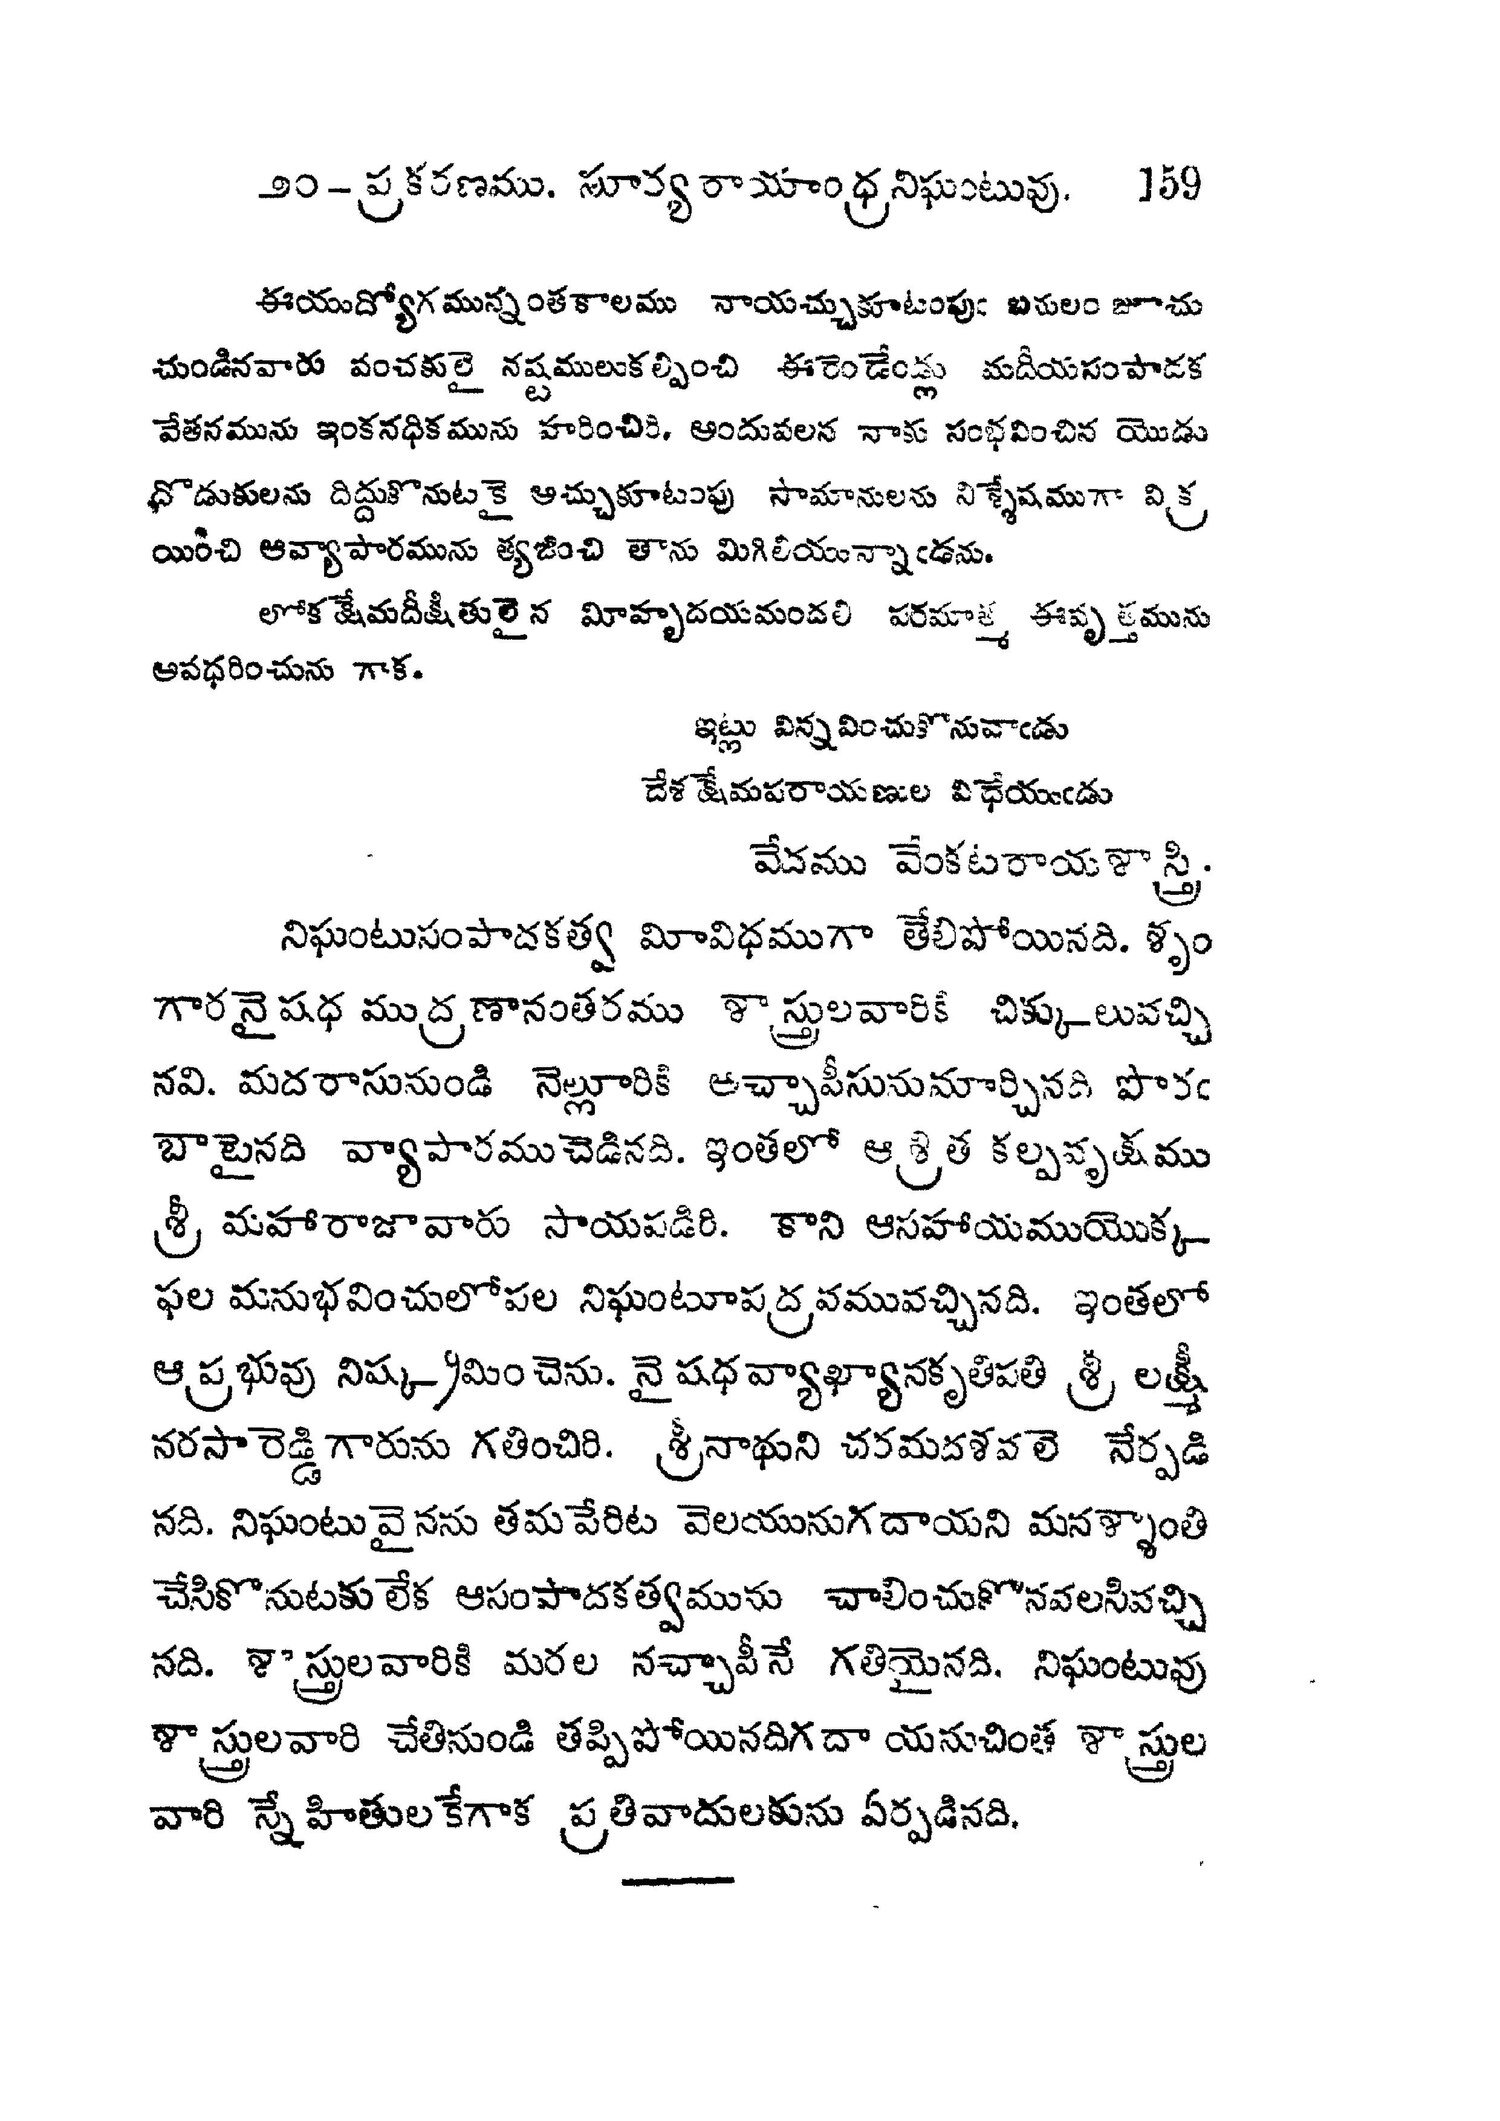ఈయుద్యోగమున్నంత కాలము నాయచ్చుకూటంపు బనులం జూచు చుండినవారు వంచకులై నష్టములు కల్పించి ఈరెండేండ్లు మదీయ సంపాదక వేతనమును ఇంకనధికమును హరించిరి. అందువలన నాకు సంభవించిన యొడుదొడుకులను దిద్దుకొనుటకై అచ్చకూటంపు సామానులను నిశ్శేషముగా విక్రయించి ఆవ్యాపారమును త్యజించి తాను మిగిలియున్నాడను.

లోకక్షేమదీక్షీతులైన మీహృదయమందలి పరమాత్మ ఈవృత్తమును అవధరించును గాక.
ఇట్లు విన్నవించుకొనువాడు
దేశక్షేమపరాయణుల విధేయుడు
వేదము వేంకటరాయశాస్త్రి.

నిఘంటుసంపాదకత్వ మీవిధముగా తేలిపోయినది. శృంగారనైషధ ముద్రణానంతరము శాస్త్రులవారికి చిక్కులువచ్చినవి. మదరాసునుండి నెల్లూరికి అచ్చాపీసునుమార్చినది పొరబాటైనది. వ్యాపారముచెడినది. ఇంతలో ఆశ్రిత కల్పవృక్షము శ్రీ మహారాజావారు సాయపడిరి. కాని ఆసహాయముయొక్క ఫల మనుభవించులోపల నిఘంటూపద్రవమువచ్చినది. ఇంతలో ఆప్రభువు నిష్క్రమించెను. నైషధవ్యాఖ్యానకృతిపతి శ్రీ లక్ష్మీనరసారెడ్డి గారును గతించిరి. శ్రీనాథుని చరమదశవలె నేర్పడినది. నిఘంటువైనను తమపేరిట వెలయునుగదాయని మనశ్శాంతి చేసికొనుటకులేక ఆసంపాదకత్వమును చాలించు కొనవలసి వచ్చినది. శాస్త్రులవారికి మరల నచ్చాపీసే గతియైనది. నిఘంటువు శాస్త్రులవారి చేతినుండి తప్పిపోయినదిగదా యనుచింత శాస్త్రులవారి స్నేహితులకేగాక ప్రతివాదులకును ఏర్పడినది.

___________